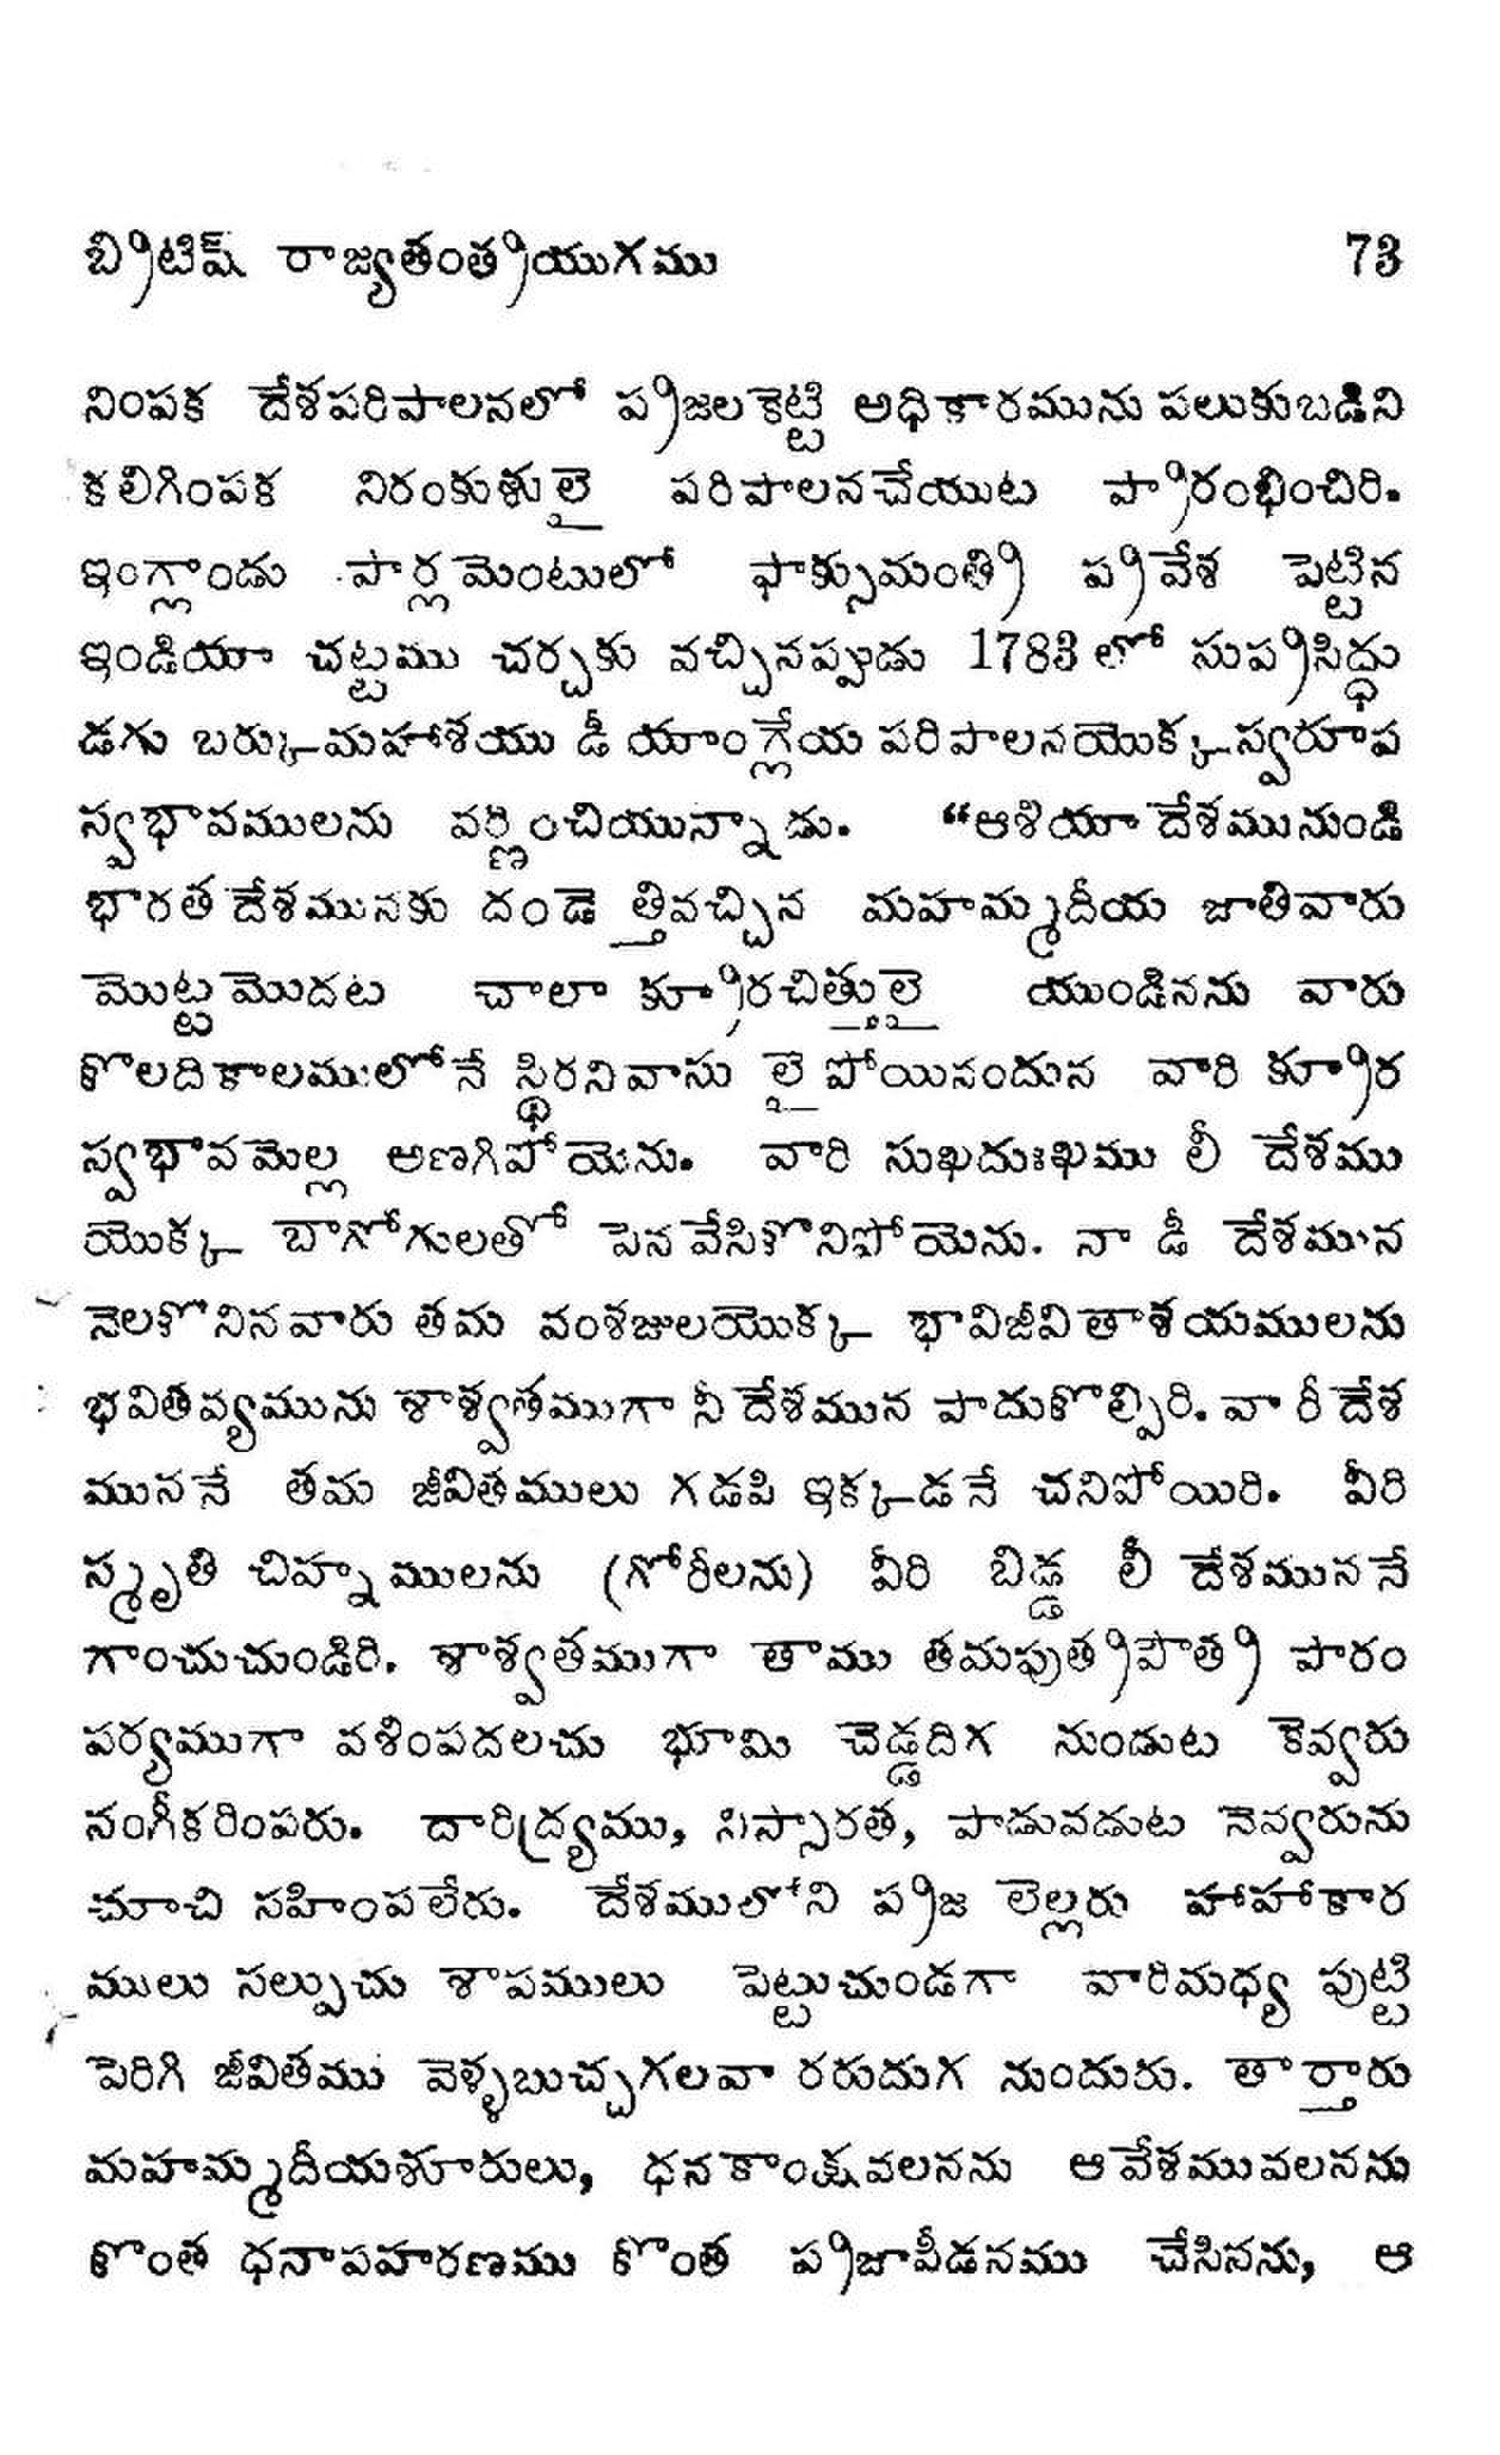నింపక దేశపరిపాలనలో ప్రజలకెట్టి అధికారమును పలుకుబడిని కలిగింపక నిరంకుశులై పరిపాలనచేయుట ప్రారంభించిరి. ఇంగ్లాండు .పార్లమెంటులో ఫాక్సుమంత్రి ప్రవేశ పెట్టిన ఇండియా చట్టము చర్చకు వచ్చినప్పుడు 1783 లో సుప్రసిద్ధుడగు బర్కుమహాశయు డీ యాంగ్లేయ పరిపాలనయొక్క స్వరూప స్వభావములను వర్ణించియున్నాడు. “ఆశియాదేశమునుండి భారతదేశమునకు దండెత్తివచ్చిన మహమ్మదీయ జాతివారు మొట్టమొదట చాలా క్రూరచిత్తులై యుండినను వారు కొలదికాలములోనే స్థిరనివాసు లైపోయినందున వారి క్రూర స్వభావమెల్ల అణగిపోయెను. వారి సుఖదుఃఖము లీ దేశముయొక్క బాగోగులతో పెనవేసికొనిపోయెను. నాడీ దేశమున నెలకొనినవారు తమ వంశజులయొక్క భావిజీవితాశయములను భవితవ్యమును శాశ్వతముగా నీదేశమున పాదుకొల్పిరి. వారీదేశముననే తమ జీవితములు గడపి ఇక్కడనే చనిపోయిరి. వీరి స్మృతి చిహ్నములను (గోరీలను) వీరి బిడ్డ లీ దేశముననే గాంచుచుండిరి. శాశ్వతముగా తాము తమపుత్రపౌత్ర పారంపర్యముగా వశింపదలచు భూమి చెడ్డదిగ నుండుట కెవ్వరు నంగీకరింపరు. దారిద్ర్యము, నిస్సారత, పాడువడుట నెవ్వరును చూచి సహింపలేరు. దేశములోని ప్రజ లెల్లరు హాహాకారములు సల్పుచు శాపములు పెట్టుచుండగా వారిమధ్య పుట్టి పెరిగి జీవితము వెళ్ళబుచ్చగలవా రరుదుగ నుందురు. తార్తారు మహమ్మదీయశూరులు, ధనకాంక్షవలనను ఆవేశమువలనను కొంత ధనాపహరణము కొంత ప్రజాపీడనము చేసినను, ఆ